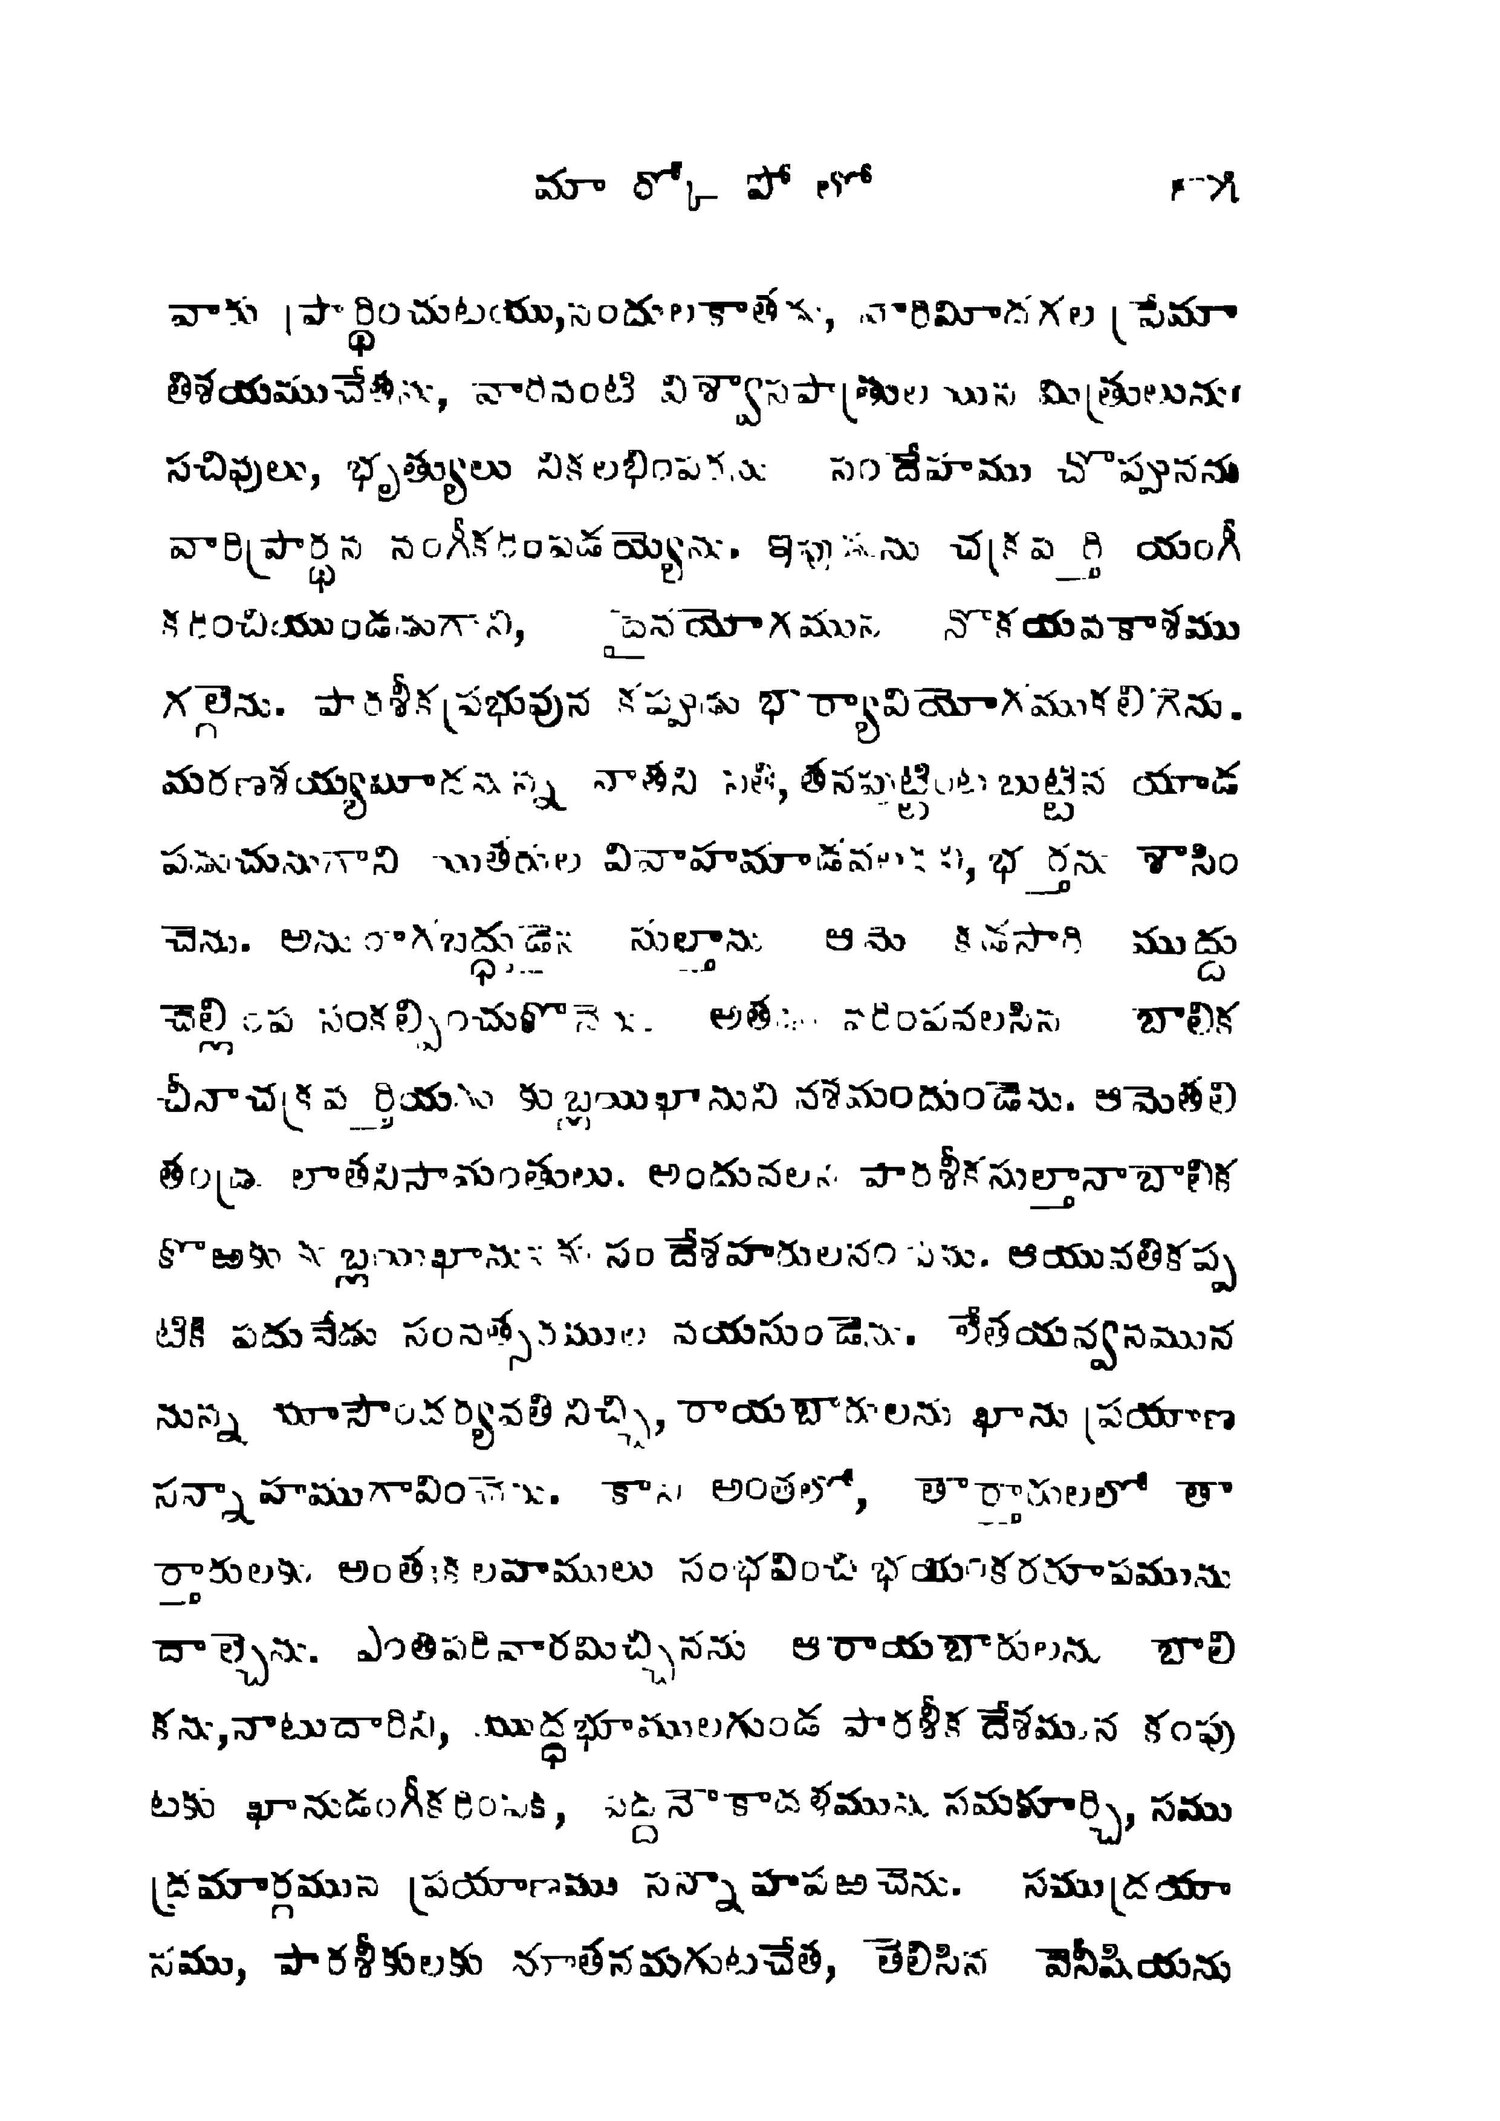వారు ప్రార్థించుటయు, నందులకాతడు, వారిమీదగల ప్రేమాతిశయము చేతను, వారివంటి విశ్వాసపాత్రులయిన మిత్రులును, సచివులు, భృత్యులు నికలభింపరను సందేహము చొప్పునను వారిప్రార్థన నంగీకరింపడయ్యెను. ఇపుడును చక్రవర్తి యంగీకరించియుండడు గాని, దైవయోగమున నొకయవకాశము గల్గెను. పారశీక ప్రభువున కప్పుడు భార్యా వియోగము కలిగెను. మరణశయ్యమీద నున్న నాతని సతి, తనపుట్టింట బుట్టిన యాడపడుచును గాని యితరుల వివాహమాడ వలదని, భర్తను శాసించెను. అనురాగ బద్ధుడైన సుల్తాను ఆమె కడసారి ముద్దు చెల్లింప సంకల్పించుకొనెను. అతడు వరింపవలసిన బాలిక చీనాచక్రవర్తియగు కుబ్లయిఖానుని వశమందుండెను. ఆమెతలితండ్రు లాతనిసామంతులు. అందువలన పారశీకసుల్తానా బాలిక కొఱకు కుబ్లయిఖానునకు సందేశహరులనంపెను. ఆయువతికప్పటికి పదునేడు సంవత్సరముల వయసుండెను. లేతయవ్వనమున నున్న యాసౌందర్యవతి నిచ్చి, రాయబారులను ఖాను ప్రయాణ సన్నాహము గావించెను. కాని అంతలో, తార్తారులలో తార్తారులకు అంత:కలహములు సంభవించి భయంకరరూపమును దాల్చెను. ఎంతపరివార మిచ్చినను ఆరాయబారులను బాలికను, నాటుదారిని, యుద్ధభూముల గుండ పారశీక దేశమున కంపుటకు ఖానుడంగీకరింపక, పెద్దనౌకాదళమును సమకూర్చి, సముద్రమార్గమున ప్రయాణము సన్నాహపఱచెను. సముద్రయానము, పారశీకులకు నూతనమగుటచేత, తెలిసిన వెనీషియను